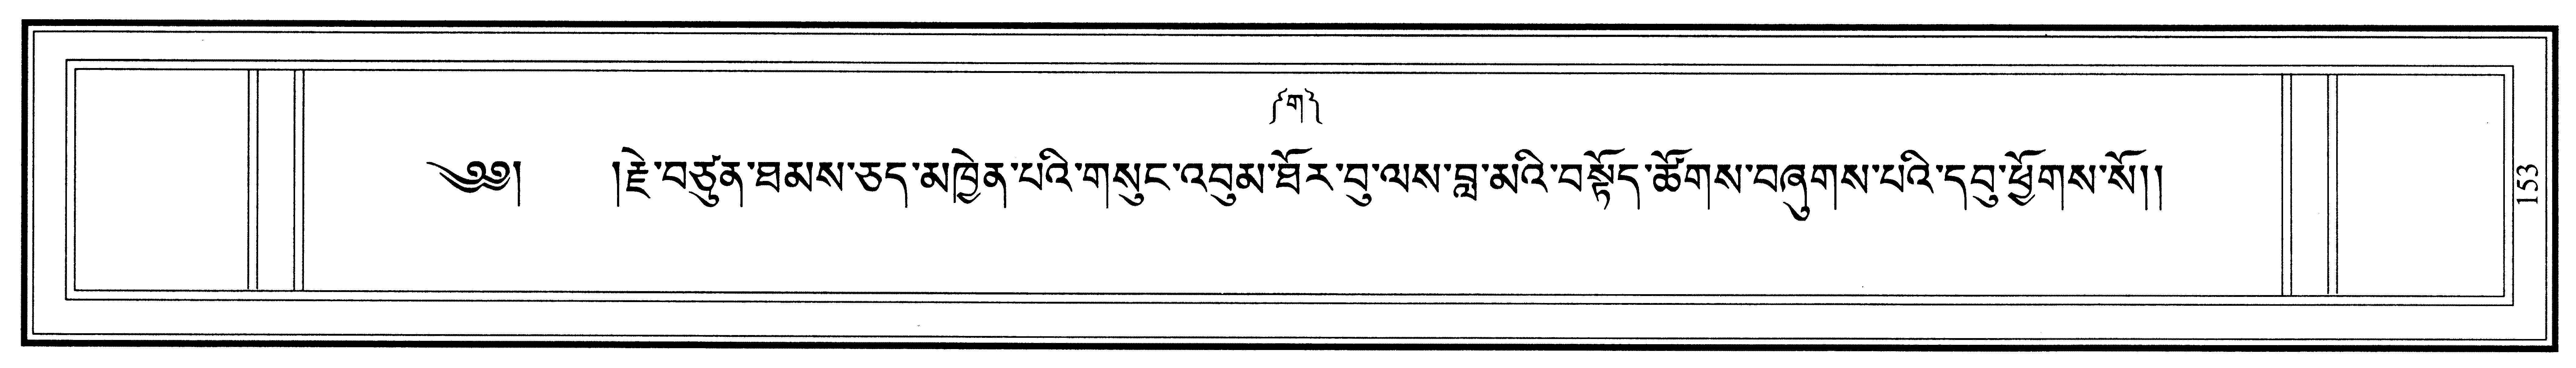༄༅། །རྗེ་བཙུན་ཐམས་ཅད་མཁྱེན་པའི་གསུང་འབུམ་ཐོར་བུ་ལས་བླ་མའི་བསྟོད་ཚོགས་བཞུགས་པའི་དབུ་ཕྱོགས་སོ།།